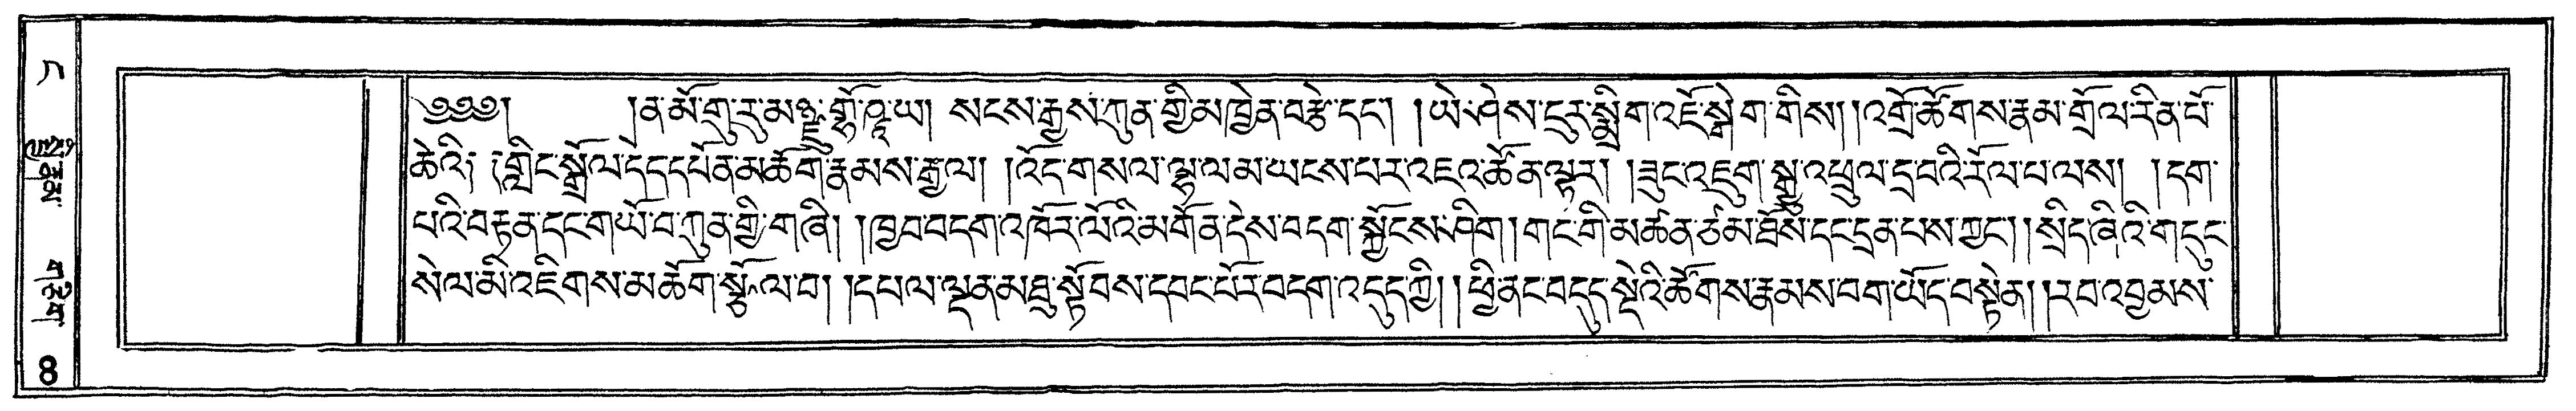༄༅༅། །ན་མོ་གུ་རུ་མཉྫུ་གྷོ་ཥཱ་ཡ། སངས་རྒྱས་ཀུན་གྱི་མཁྱེན་བརྩེ་དང་། །ཡེ་ཤེས་ངུར་སྨྲིག་འཇོ་སྒེག་གིས། །འགྲོ་ཚོགས་རྣམ་གྲོལ་རིན་པོ་
ཆེའི། །གླིང་སྒྲོལ་དེད་དཔོན་མཆོག་རྣམས་རྒྱལ། །འོད་གསལ་ལྷ་ལམ་ཡངས་པར་འཇའ་ཚོན་ལྟར། །ཟུང་འཇུག་སྒྱུ་འཕྲུལ་དྲ་བའི་རོལ་པ་ལས། །དག་
པའི་བརྟན་དང་གཡོ་བ་ཀུན་གྱི་གཞི། །ཁྱབ་བདག་འཁོར་ལོའི་མགོན་དེས་བདག་སྐྱོངས་ཤིག །གང་གི་མཚན་ཙམ་ཐོས་དང་དྲན་པས་ཀྱང་། །སྲིད་ཞིའི་གདུང་
སེལ་མི་འཇིགས་མཆོག་སྩོལ་བ། །དཔལ་ལྡན་མཐུ་སྟོབས་དབང་པོར་བདག་འདུད་ཀྱི། །ཕྱི་ནང་བདུད་སྡེའི་ཚོགས་རྣམས་བག་ཡོད་བསྟེན། །རབ་འབྱམས་